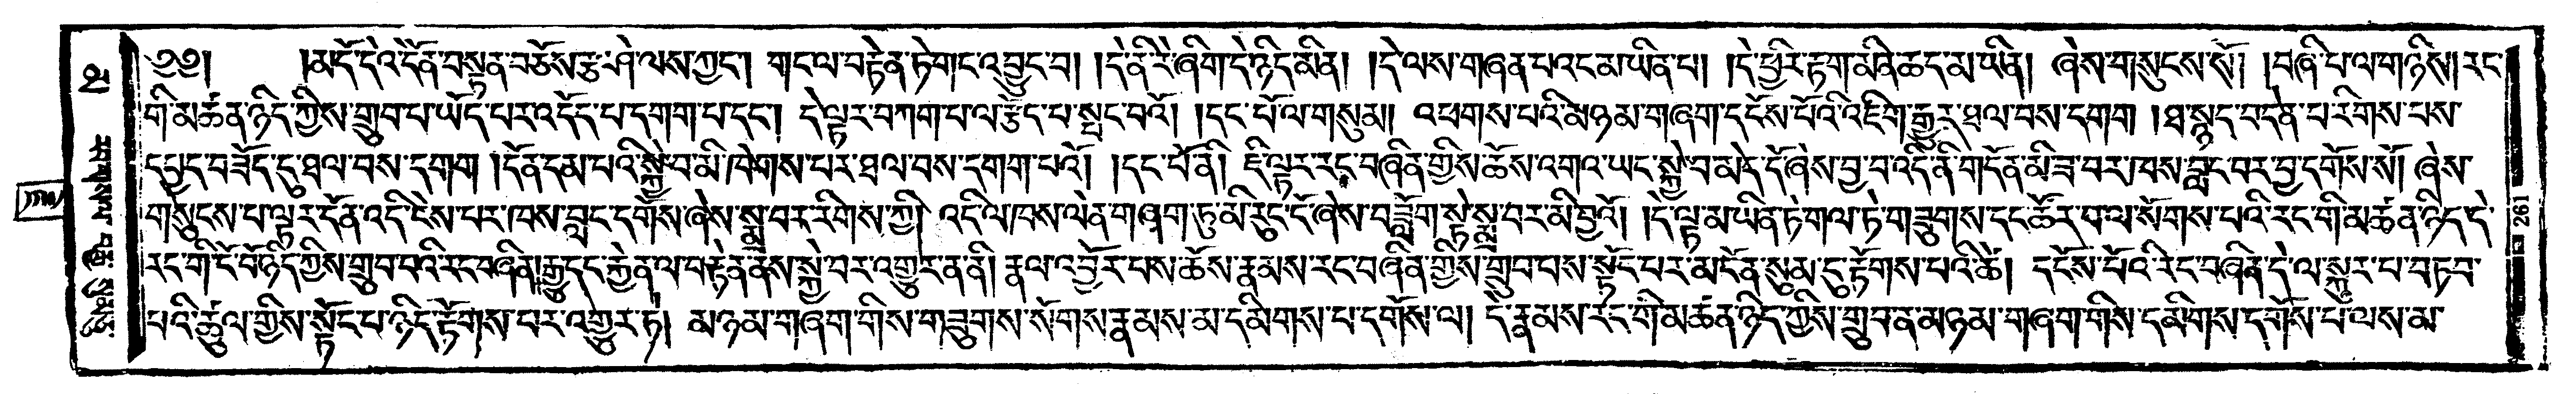མདོ་དེའི་དོན་བསྟན་བཅོས་རྩ་ཤེ་ལས་ཀྱང་། གང་ལ་བརྟེན་ཏེ་གང་འབྱུང་བ། །དེ་ནི་རེ་ཞིག་དེ་ཉིད་མིན། །དེ་ལས་གཞན་པའང་མ་ཡིན་པ། །དེ་ཕྱིར་རྟག་མིན་ཆད་མ་ཡིན། །ཞེས་གསུངས་སོ། །བཞི་པ་ལ་གཉིས། རང་
གི་མཚན་ཉིད་ཀྱིས་གྲུབ་པ་ཡོད་པར་འདོད་པ་དགག་པ་དང་། དེ་ལྟར་བཀག་པ་ལ་རྩོད་པ་སྤང་བའོ། །དང་པོ་ལ་གསུམ། འཕགས་པའི་མཉམ་གཞག་དངོས་པོའི་འཇིག་རྒྱུར་ཐལ་བས་དགག །ཐ་སྙད་བདེན་པ་རིགས་པས་
དཔྱད་བཟོད་དུ་ཐལ་བས་དགག །དོན་དམ་པའི་སྐྱེ་བ་མི་ཁེགས་པར་ཐལ་བས་དགག་པའོ། །དང་པོ་ནི། ཇི་ལྟར་རང་བཞིན་གྱིས་ཆོས་འགའ་ཡང་སྐྱེ་བ་མེད་དོ་ཞེས་བྱ་བ་འདི་ནི་གདོན་མི་ཟ་བར་ཁས་བླང་བར་བྱ་དགོས་སོ། ཞེས་
གསུངས་པ་ལྟར་དོན་འདི་ངེས་པར་ཁས་བླང་དགོས་ཞེས་སྨྲ་བར་རིགས་ཀྱི། འདི་ལ་ཁས་ལེན་གཞག་ཏུ་མི་རུང་ངོ་ཞེས་བཟློག་སྟེ་སྨྲ་བར་མི་བྱའོ། །དེ་ལྟ་མ་ཡིན་ཏེ་གལ་ཏེ་གཟུགས་དང་ཚོར་བ་ལ་སོགས་པའི་རང་གི་མཚན་ཉིད་དེ་
རང་གི་ངོ་བོ་ཉིད་ཀྱིས་གྲུབ་པའི་རང་བཞིན། རྒྱུ་དང་རྐྱེན་ལ་བརྟེན་ནས་སྐྱེ་བར་འགྱུར་ན་ནི། རྣལ་འབྱོར་པས་ཆོས་རྣམས་རང་བཞིན་གྱིས་གྲུབ་པས་སྟོང་པར་མངོན་སུམ་དུ་རྟོགས་པའི་ཚེ། དངོས་པོའི་རང་བཞིན་དེ་ལ་སྐུར་པ་བཏབ་
པའི་ཚུལ་གྱིས་སྟོང་པ་ཉིད་རྟོགས་པར་འགྱུར་ཏེ། མཉམ་གཞག་གིས་གཟུགས་སོགས་རྣམས་མ་དམིགས་པ་དགོས་ལ། དེ་རྣམས་རང་གི་མཚན་ཉིད་ཀྱིས་གྲུབ་ན་མཉམ་གཞག་གིས་དམིགས་དགོས་པ་ལས་མ་